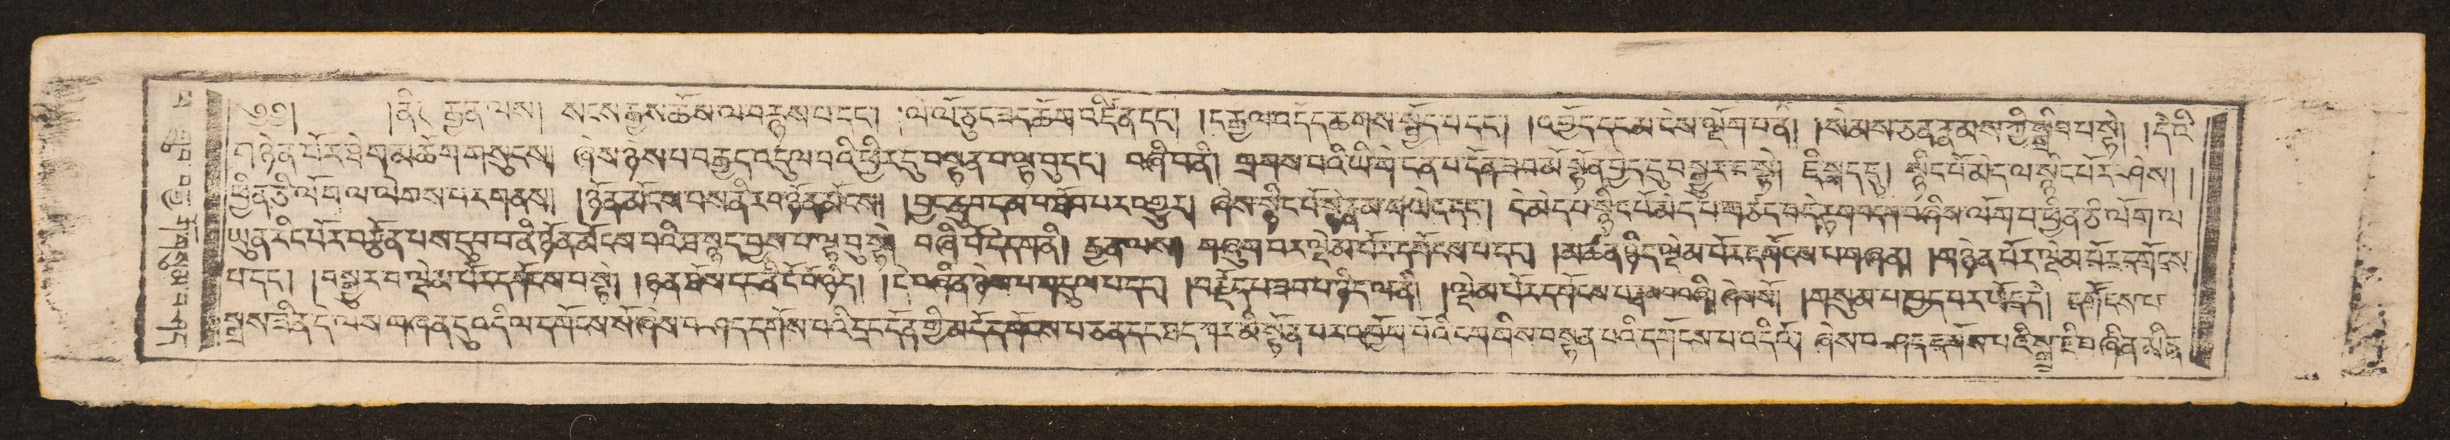༄༅། །ནི༑ རྒྱན་ལས། སངས་རྒྱས་ཆོས་ལ་བརྙས་པ་དང་། །ལེ་ལོ་ཅུང་ཟད་ཆོག་འཛིན་དང་། །ང་རྒྱལ་འདོད་ཆགས་སྤྱོད་པ་དང་། །འགྱོད་དང་མ་ངེས་ལྡོག་པ་ནི། །སེམས་ཅན་རྣམས་ཀྱི་སྒྲིབ་པ་སྟེ། །དེའི་
གཉེན་པོར་ཐེག་མཆོག་གསུངས། ཞེས་ཉེས་པ་བརྒྱད་འདུལ་བའི་ཕྱིར་དུ་བསྟན་པ་ལྟ་བུ་དང་། བཞི་པ་ནི། གྲགས་པའི་ཡི་གེ་ངན་པ་དོན་ཟབ་མོ་སྟོན་བྱེད་དུ་བསྒྱུར་བ་སྟེ། ཇི་སྐད་དུ། སྙིང་པོ་མེད་ལ་སྙིང་པོར་ཤེས། །
ཕྱིན་ཅི་ལོག་ལ་ལེགས་པར་གནས། །ཉོན་མོངས་པས་ནི་རབ་ཉོན་མོངས། །བྱང་ཆུབ་དམ་པ་ཐོབ་པར་འགྱུར། ཞེས་སྙིང་པོ་སྟེ་རྣམ་གཡེང་དང་། དེ་མེད་པ་སྙིང་པོ་མེད་པ་གཙང་བདེ་རྟག་བདག་བཞིས་ལོག་པ་ཕྱིན་ཅི་ལོག་ལ་
ཡུན་རིང་པོར་བརྩོན་པས་དུབ་པ་ནི་ཉོན་མོངས་པའི་ཐ་སྙད་བྱས་པ་ལྟ་བུ་སྟེ། བཞི་པོ་དེ་དག་ནི། རྒྱན་ལས། གཞུག་པར་ལྡེམ་པོར་དགོངས་པ་དང་། །མཚན་ཉིད་ལྡེམ་པོར་དགོངས་པ་གཞན། །གཉེན་པོར་ལྡེམ་པོར་དགོངས་
པ་དང་། །བསྒྱུར་བ་ལྡེམ་པོར་དགོངས་པ་སྟེ། །ཉན་ཐོས་དང་ནི་ངོ་བོ་ཉིད། །དེ་བཞིན་ཉེས་པ་གདུལ་པ་དང་། །བརྗོད་པ་ཟབ་པ་ཉིད་ལ་ནི། །ལྡེམ་པོར་དགོངས་པ་རྣམ་པ་བཞི། ཞེས་སོ། །གསུམ་པ་ཁྱད་པར་ཡོད་དེ། དགོངས་པ་
སྒྲས་ཟིན་དེ་ལས་གཞན་དུ་འདི་ལ་དགོངས་སོ་ཞེས་བཤད་དགོས་པའི་དྲང་དོན་གྱི་མདོ་དགོངས་པ་ཅན་དང་ཐད་ཀར་མི་སྟོན་པར་འཁྱོག་པོའི་ངག་གིས་བསྟན་པའི་དགོངས་པ་འདིའོ། ཞེས་བཤད་དགོས་པའི་སྒྲ་ཇི་བཞིན་མིན་